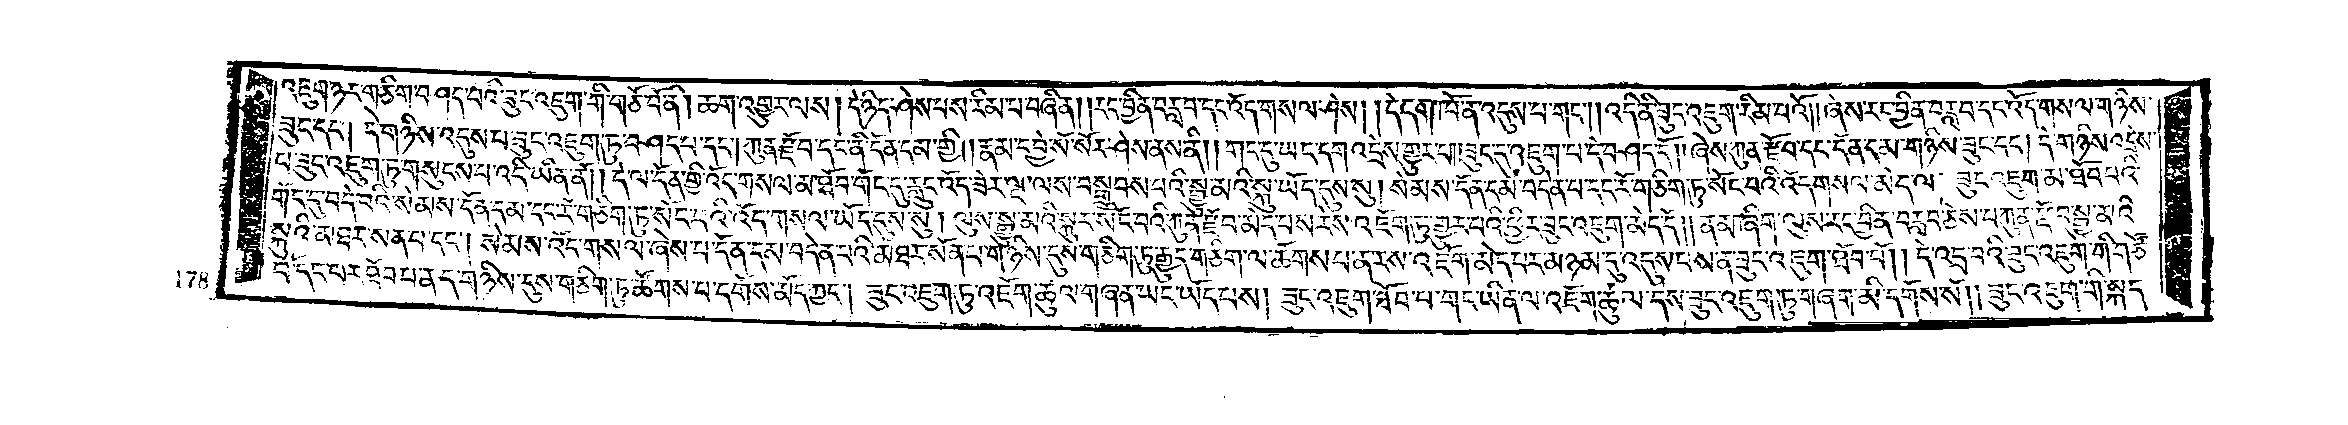འཇུག་ཉེར་གཅིག་བཤད་པའི་ཟུང་འཇུག་གི་གཙོ་བོ་ནི། ཆག་འགྱུར་ལས། དེ་ཉིད་ཤེས་པས་རིམ་པ་བཞིན། །རང་བྱིན་བརླབ་དང་འོད་གསལ་ཤེས། །དེ་དག་ཁོ་ན་འདུས་པ་གང་། །འདི་ནི་ཟུང་འཇུག་རིམ་པའོ། །ཞེས་རང་བྱིན་བརླབ་དང་འོད་གསལ་གཉིས་
ཟུང་དང་། དེ་གཉིས་འདུས་པ་ཟུང་འཇུག་ཏུ་བཤད་པ་དང་། ཀུན་རྫོབ་དང་ནི་དོན་དམ་གྱི། །རྣམ་དབྱེ་སོ་སོར་ཤེས་ནས་ནི། །གང་དུ་ཡང་དག་འདྲེས་གྱུར་པ། །ཟུང་དུ་འཇུག་པ་དེ་བཤད་དོ། །ཞེས་ཀུན་རྫོབ་དང་དོན་དམ་གཉིས་ཟུང་དང་། དེ་གཉིས་འདྲེས་
པ་ཟུང་འཇུག་ཏུ་གསུངས་པ་འདི་ཡིན་ནོ། །དེ་ལ་དོན་གྱི་འོད་གསལ་མ་ཐོབ་གོང་དུ་རླུང་འོད་ཟེར་ལྔ་ལས་བསྒྲུབས་པའི་སྒྱུ་མའི་སྐུ་ཡོད་དུས་སུ། སེམས་དོན་དམ་བདེན་པ་དང་རོ་གཅིག་ཏུ་སང་བའི་འོད་གསལ་མེད་ལ་ཟུང་འཇུག་མ་ཐོབ་པའི་
གོང་དུ་བདེ་བའི་སེམས་དོན་དམ་དང་རོ་གཅིག་ཏུ་སོང་བའི་འོད་གསལ་ཡོད་དུས་སུ། ལུས་སྒྱུ་མའི་སྐུར་སོང་བའི་ཀུན་རྫོབ་མེད་པས་རེས་འཇོག་ཏུ་གྱུར་བའི་ཕྱིར་ཟུང་འཇུག་མེད་དོ། །ནམ་ཞིག་ལུས་རང་བྱིན་བརླབ་ཅེས་པ་ཀུན་རྫོབ་སྒྱུ་མའི་
སྐུའི་མཐར་སན་པ་དང་། སེམས་འོད་གསལ་ཞེས་པ་དོན་དམ་བདེན་པའི་མཐར་སོན་པ་གཉིས་དུས་གཅིག་ཏུ་རྒྱུད་གཅིག་ལ་ཆོགས་པ་ནི་རས་འཇོག་མེད་པར་མཉམ་དུ་འདུས་པས་ན་ཟུང་འཇུག་ཐོབ་པོ། །དེ་འདྲ་བའི་ཟུང་འཇུག་གི་གཙོ་
བོ་དང་པོར་ཐོབ་པ་ན་ད་གཉིས་དུས་གཅིག་ཏུ་ཚོགས་པ་དགོས་མོད་ཀྱང་། ཟུང་འཇུག་ཏུ་འཇོག་ཚུལ་གཞན་ཡང་ཡོད་པས། ཟུང་འཇུག་ཐོབ་པ་གང་ཡིན་ལ་འཇོག་ཚུལ་དེས་ཟུང་འཇུག་ཏུ་གཞག་མི་དགོས་སོ། །ཟུང་འཇུག་གི་སྐད་